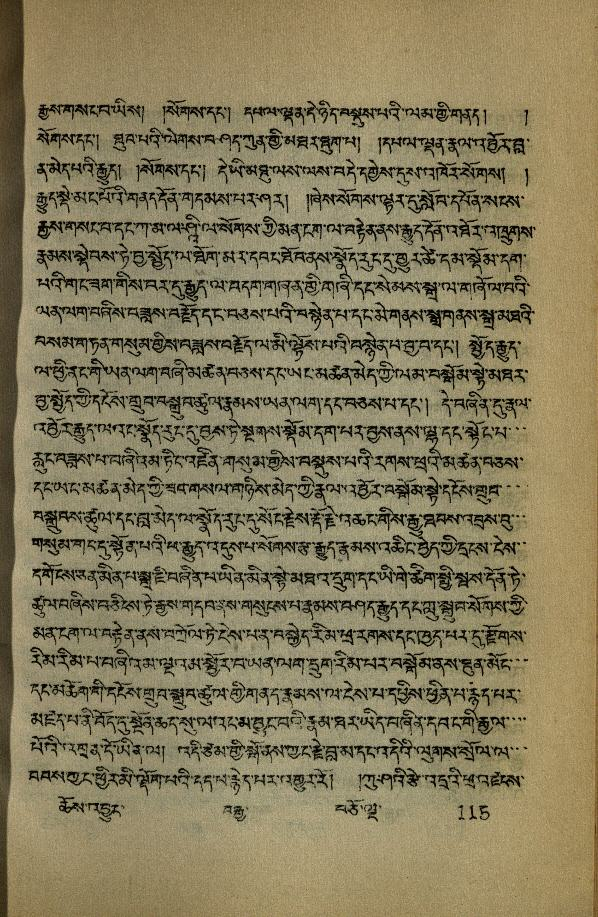རྒྱས་གསང་བ་ཡིས། །སོགས་དང་། དཔལ་ལྡན་དེ་ཉིད་བསྡུས་པའི་ལམ་གྱི་གནད། །
སོགས་དང་། ཐུབ་པའི་ལེགས་བཤད་ཀུན་གྱི་མཐར་ཐུག་པ། །དཔལ་ལྡན་རྣལ་འབྱོར་བླ་
ན་མེད་པའི་རྒྱུད། །སོགས་དང་། དེ་ཡི་མཐུ་ལས་ལས་བདེ་དགྱེས་དུས་འཁོར་སོགས། །
རྒྱུད་སྡེ་མང་པོའི་གནད་དོན་གདམས་པར་ཤར། །ཞེས་སོགས་ལྟར་དུ་སློབ་དཔོན་སངས་
རྒྱས་གསང་བ་དང་ཀ་མ་ལ་ཤཱི་ལ་སོགས་ཀྱི་མན་ངག་ལ་བརྟེན་ནས་རྒྱུད་དོན་འཐོར་འཁྲུགས་
རྣམས་སྡེབས་ཏེ་བྱ་སྤྱོད་ལ་ཐོག་མར་དབང་ཐོབ་ནས་སྣོད་རུང་དུ་གྱུར་ཚེ་དམ་སྡོམ་དག་
པའི་གང་ཟག་གིས་བར་དུ་རྒྱུད་ལ་བདག་གཞན་གྱི་གཞི་དང་སེམས་སྒྲ་ལ་གཞོལ་བའི་
ཡན་ལག་བཞིས་བཟླས་བརྗོད་དང་བཅས་པའི་བསྙེན་པ་དང་མེ་གནས་སྒྲ་གནས་སྒྲ་མཐའི་
བསམ་གཏན་གསུམ་གྱིས་བཟླས་བརྗོད་ལ་མི་ལྟོས་པའི་བསྙེན་པ་བྱ་བ་དང་། སྤྱོད་རྒྱུད་
ལ་ཕྱི་ནང་གི་ཡན་ལག་བཞི་མཚན་བཅས་དང་ཡང་མཚན་མེད་ཀྱི་ལམ་བསྒོམ་སྟེ་མཐར་
བྱ་སྤྱོད་ཀྱི་དངོས་གྲུབ་བསྒྲུབ་ཚུལ་རྣམས་ཡན་ལག་དང་བཅས་པ་དང་། དེ་བཞིན་དུ་རྣལ་
འབྱོར་རྒྱུད་ལའང་སྣོད་རུང་དུ་བྱས་ཏེ་སྔགས་སྡོམ་དག་པར་བྱས་ནས་ལྷ་དང་སྟོང་པ་
རླུང་བཟླས་པ་བཞིའམ་ཏིང་འཛིན་གསུམ་གྱིས་བསྡུས་པའི་རགས་ཕྲའི་མཚན་བཅས་
དང་ཡང་མཚན་མེད་ཀྱི་ཐབ་གསལ་གཉིས་མེད་ཀྱི་རྣལ་འབྱོར་བསྒོམ་སྟེ་དངོས་གྲུབ་
བསྒྲུབས་ཚུལ་དང་བླ་མེད་ལ་སྣོད་རུང་དུ་སོང་རྗེས་རྡོ་རྗེ་འཆང་གིས་རྒྱུ་ཐབས་འབྲས་བུ་
གསུམ་གང་དུ་སྟོན་པའི་ཕ་རྒྱུད་འདུས་པ་སོགས་རྩ་རྒྱུད་རྣམས་འཆིང་བྱེད་ཀྱི་དྲངས་ངེས་
དགོངས་ཅན་མིན་པ་སྒྲ་ཇི་བཞིན་པ་ཡིན་མིན་སྟེ་མཐའ་དྲུག་དང་ཡི་གེ་ཚིག་སྤྱི་སྦས་དོན་ཏེ་
ཚུལ་བཞིས་བཅིངས་ཏེ་རྒྱས་གདབ་ནས་གསུངས་པ་རྣམས་བཤད་རྒྱུད་དང་ཀླུ་སྒྲུབ་སོགས་ཀྱི་
མན་ངག་ལ་བརྟེན་ནས་བཀྲོལ་ཏེ་ངེས་པ་ན་བསྐྱེད་རིམ་ཕྲ་རགས་དང་ཁྱད་པར་དུ་རྫོགས་
རིམ་རིམ་པ་བཞིའམ་ལྔའམ་སྦྱོར་བ་ཡན་ལག་དྲུག་རིམ་པར་བསྒོམ་ནས་ཐུན་མོང་
དང་མཆོག་གི་དངོས་གྲུབ་སྒྲུབ་ཚུལ་གྱི་གནད་རྣམས་ལ་ངེས་པ་དཔྱིས་ཕྱིན་པ་རྙེད་པར་
མཛད་པ་ནི་བོད་དུ་སྔོན་ཆད་སུ་ལའང་མ་བྱུང་བའི་རྣམ་ཐར་ཡིད་བཞིན་དབང་གི་རྒྱལ་
པོའི་འགྲན་དོ་ཡིན་ལ། འདི་ཙམ་གྱི་སྒོ་ནས་ཀྱང་རྗེ་བླ་མ་དང་འདིའི་ལུགས་སྲོལ་ལ་
བབས་ཀྱང་ཕྱིར་མི་ལྡོག་པའི་དད་པ་རྙེད་པར་འགྱུར་རོ། །ཀུ་ཤའི་རྩེ་འདྲའི་གྲ་འཛངས་